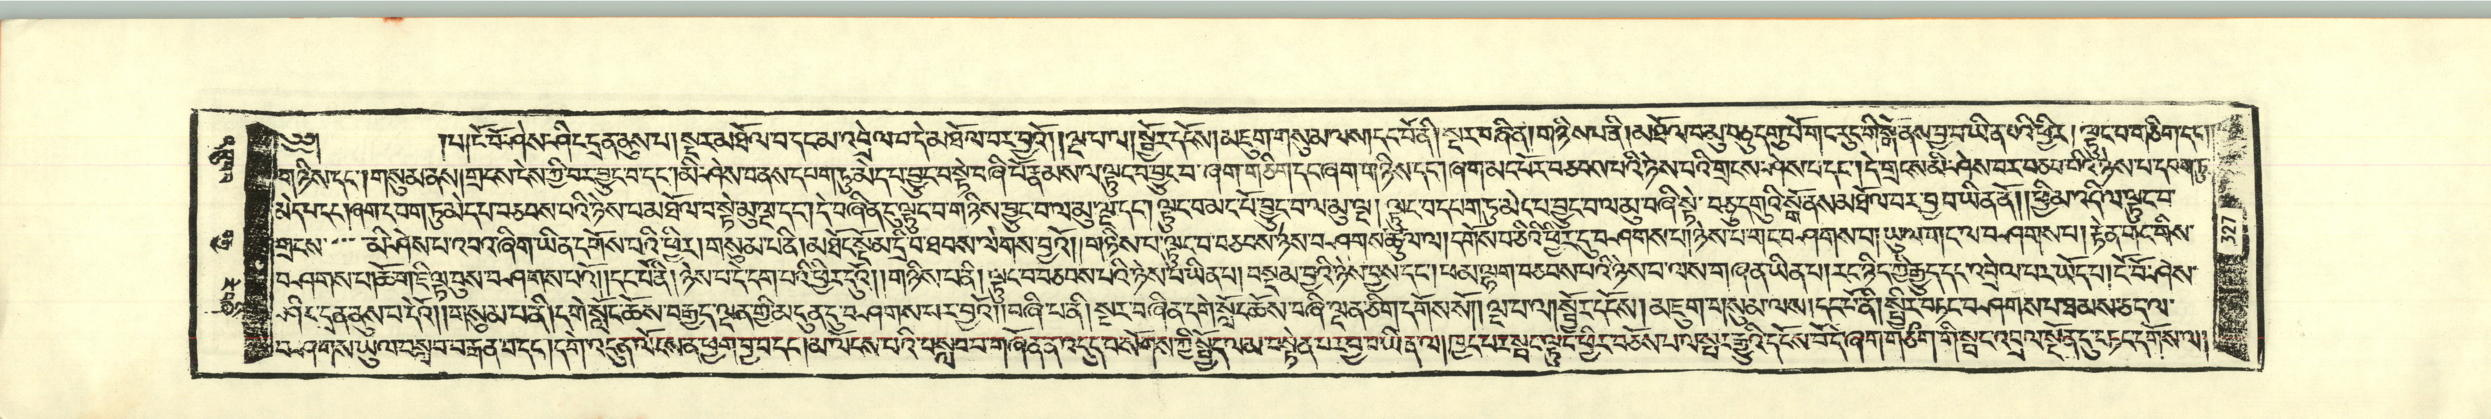༄༅། །པ། ངོ་བོ་ཤེས་ཤིང་དྲན་ནུས་པ། སྔར་མཐོལ་བ་དང་མ་འབྲེལ་བ་དེ་མཐོལ་བར་བྱའོ། །ལྔ་པ་ལ། སྦྱོར་དངོས། མཇུག་གསུམ་ལས། དང་པོ་ནི། སྔར་བཞིན། གཉིས་པ་ནི། མཐོལ་བ་མུ་བཅུ་དགུ་པོ་གང་རུང་གི་སྒོ་ནས་བྱ་བ་ཡིན་པའི་ཕྱིར། ལྟུང་བ་གཅིག་དང་
གཉིས་དང་། གསུམ་ནས། གྲངས་ངེས་ཀྱི་བར་བྱུང་བ་དང་། མི་ཤེས་བ་ནས་དཔག་ཏུ་མེད་པ་བྱུང་བ་སྟེ་བཞི་པོ་རྣམས་ལ་ལྟུང་བ་བྱུང་བ་ཞག་གཅིག་དང་ཞག་གཉིས་དང་། ཞག་མང་པོར་བཅབས་པའི་ཉེས་པའི་གྲངས་ཤེས་པ་དང་། དེ་གྲངས་མི་ཤེས་པར་བཅབས་པའི་ཉེས་པ་དཔག་ཏུ་
མེད་པ་དང་། ཞག་དཔག་ཏུ་མེད་པ་བཅབས་པའི་ཉེས་པ་མཐོལ་བ་སྟེ་མུ་ལྔ་དང་། དེ་བཞིན་དུ་ལྟུང་བ་གཉིས་བྱུང་བ་ལ་མུ་ལྔ་དང་། ལྟུང་བ་མང་པོ་བྱུང་བ་ལ་མུ་ལྔ། ལྟུང་བ་དཔག་ཏུ་མེད་པ་བྱུང་བ་ལ་མུ་བཞི་སྟེ་བཅུ་དགུའི་སྒོ་ནས་མཐོལ་བར་བྱ་བ་ཡིན་ནོ། །ཕྱི་མ་འདི་ལ་ལྟུང་བ་
གྲངས་མི་ཤེས་པ་འབའ་ཞིག་ཡིན་དགོས་པའི་ཕྱིར། གསུམ་པ་ནི། མཐོང་སྡོམ་དྲི་བ་ཐབས་ལེགས་བྱའོ། །གཉིས་པ་ལྟུང་བ་བཅབས་ཉེས་བཤགས་ཚུལ་ལ། དགོས་བ་ཅིའི་ཕྱིར་དུ་བཤགས་པ། ཉེས་པ་གང་བཤགས་པ། ཡུལ་གང་ལ་བཤགས་པ། རྟེན་གང་གིས་
བཤགས་པ། ཆོ་ག་ཇི་ལྟ་བུས་བཤགས་པའོ། །དང་པོ་ནི། ཉེས་པ་དེ་དག་པའི་ཕྱིར་དུའོ། །གཉིས་པ་ནི། ལྟུང་བ་བཅབས་པའི་ཉེས་པ་ཡིན་པ། བསྡམ་བྱའི་ཉེས་བྱས་དང་། ཕམ་ལྷག་བཅབས་པའི་ཉེས་པ་ལས་གཞན་ཡིན་པ། རང་ཉིད་ཀྱི་རྒྱུད་དང་འབྲེལ་པར་ཡོད་པ། ངོ་བོ་ཤེས་
ཤིང་དྲན་ནུས་པ་དེའོ། །གསུམ་པ་ནི། དགེ་སློང་ཆོས་བརྒྱད་ལྡན་གྱི་མདུན་དུ་བཤགས་པར་བྱའོ། །བཞི་པ་ནི། སྔར་བཞིན་དགེ་སློང་ཆོས་བཞི་ལྡན་ཅིག་དགོས་སོ། །ལྔ་པ་ལ། སྦྱོར་དངོས། མཇུག་གསུམ་ལས། དང་པོ་ནི། སྤྱིར་བཏང་བཤགས་པ་ཐམས་ཅད་ལ་
བཤགས་ཡུལ་བསླབ་བ་རྒན་པ་དང་། དགེ་འདུན་ལོངས་ན་ཕྱག་བྱ་བ་དང་། མ་ལོངས་པའི་བསླབ་པ་གཞོན་ན་འདུད་བ་སོགས་ཀྱི་སྤྱོད་ལམ་བསྟེན་པར་བྱ་བ་ཡིན་ལ། ཁྱད་པར་སྤང་ལྟུང་ཕྱིར་བཅོས་པ་ལ་སྤར་རྒྱུའི་དངོས་པོ་དེ་ཞག་གཅིག་གི་སྤང་འབྲལ་སྔོན་དུ་བཏང་དགོས་ལ།